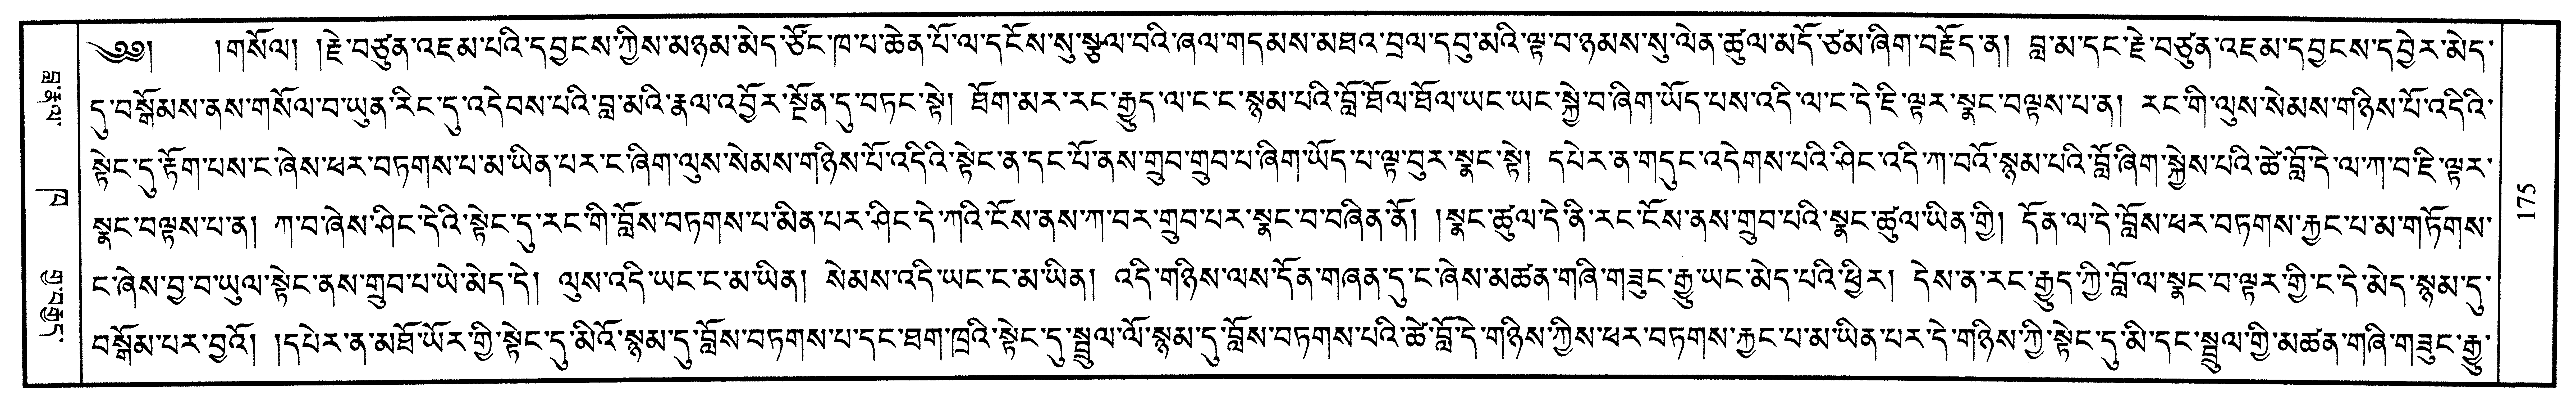༄༅། །གསོལ། །རྗེ་བཙུན་འཇམ་པའི་དབྱངས་ཀྱིས་མཉམ་མེད་ཙོང་ཁ་པ་ཆེན་པོ་ལ་དངོས་སུ་སྩལ་བའི་ཞལ་གདམས་མཐའ་བྲལ་དབུ་མའི་ལྟ་བ་ཉམས་སུ་ལེན་ཚུལ་མདོ་ཙམ་ཞིག་བརྗོད་ན། བླ་མ་དང་རྗེ་བཙུན་འཇམ་དབྱངས་དབྱེར་མེད་
དུ་བསྒོམས་ནས་གསོལ་བ་ཡུན་རིང་དུ་འདེབས་པའི་བླ་མའི་རྣལ་འབྱོར་སྔོན་དུ་བཏང་སྟེ། ཐོག་མར་རང་རྒྱུད་ལ་ང་ང་སྙམ་པའི་བློ་ཐོལ་ཐོལ་ཡང་ཡང་སྐྱེ་བ་ཞིག་ཡོད་པས་འདི་ལ་ང་དེ་ཇི་ལྟར་སྣང་བལྟས་པ་ན། རང་གི་ལུས་སེམས་གཉིས་པོ་འདིའི་
སྟེང་དུ་རྟོག་པས་ང་ཞེས་ཕར་བཏགས་པ་མ་ཡིན་པར་ང་ཞིག་ལུས་སེམས་གཉིས་པོ་འདིའི་སྟེང་ན་དང་པོ་ནས་གྲུབ་གྲུབ་པ་ཞིག་ཡོད་པ་ལྟ་བུར་སྣང་སྟེ། དཔེར་ན་གདུང་འདེགས་པའི་ཤིང་འདི་ཀ་བའོ་སྙམ་པའི་བློ་ཞིག་སྐྱེས་པའི་ཚེ་བློ་དེ་ལ་ཀ་བ་ཇི་ལྟར་
སྣང་བལྟས་པ་ན། ཀ་བ་ཞེས་ཤིང་དེའི་སྟེང་དུ་རང་གི་བློས་བཏགས་པ་མིན་པར་ཤིང་དེ་ཀའི་ངོས་ནས་ཀ་བར་གྲུབ་པར་སྣང་བ་བཞིན་ནོ། །སྣང་ཚུལ་དེ་ནི་རང་ངོས་ནས་གྲུབ་པའི་སྣང་ཚུལ་ཡིན་གྱི། དོན་ལ་དེ་བློས་ཕར་བཏགས་རྐྱང་པ་མ་གཏོགས་
ང་ཞེས་བྱ་བ་ཡུལ་སྟེང་ནས་གྲུབ་པ་ཡེ་མེད་དེ། ལུས་འདི་ཡང་ང་མ་ཡིན། སེམས་འདི་ཡང་ང་མ་ཡིན། འདི་གཉིས་ལས་དོན་གཞན་དུ་ང་ཞེས་མཚན་གཞི་གཟུང་རྒྱུ་ཡང་མེད་པའི་ཕྱིར། དེས་ན་རང་རྒྱུད་ཀྱི་བློ་ལ་སྣང་བ་ལྟར་གྱི་ང་དེ་མེད་སྙམ་དུ་
བསྒོམ་པར་བྱའོ། །དཔེར་ན་མཐོ་ཡོར་གྱི་སྟེང་དུ་མིའོ་སྙམ་དུ་བློས་བཏགས་པ་དང་ཐག་ཁྲའི་སྟེང་དུ་སྦྲུལ་ལོ་སྙམ་དུ་བློས་བཏགས་པའི་ཚེ་བློ་དེ་གཉིས་ཀྱིས་ཕར་བཏགས་རྐྱང་པ་མ་ཡིན་པར་དེ་གཉིས་ཀྱི་སྟེང་དུ་མི་དང་སྦྲུལ་གྱི་མཚན་གཞི་གཟུང་རྒྱུ་